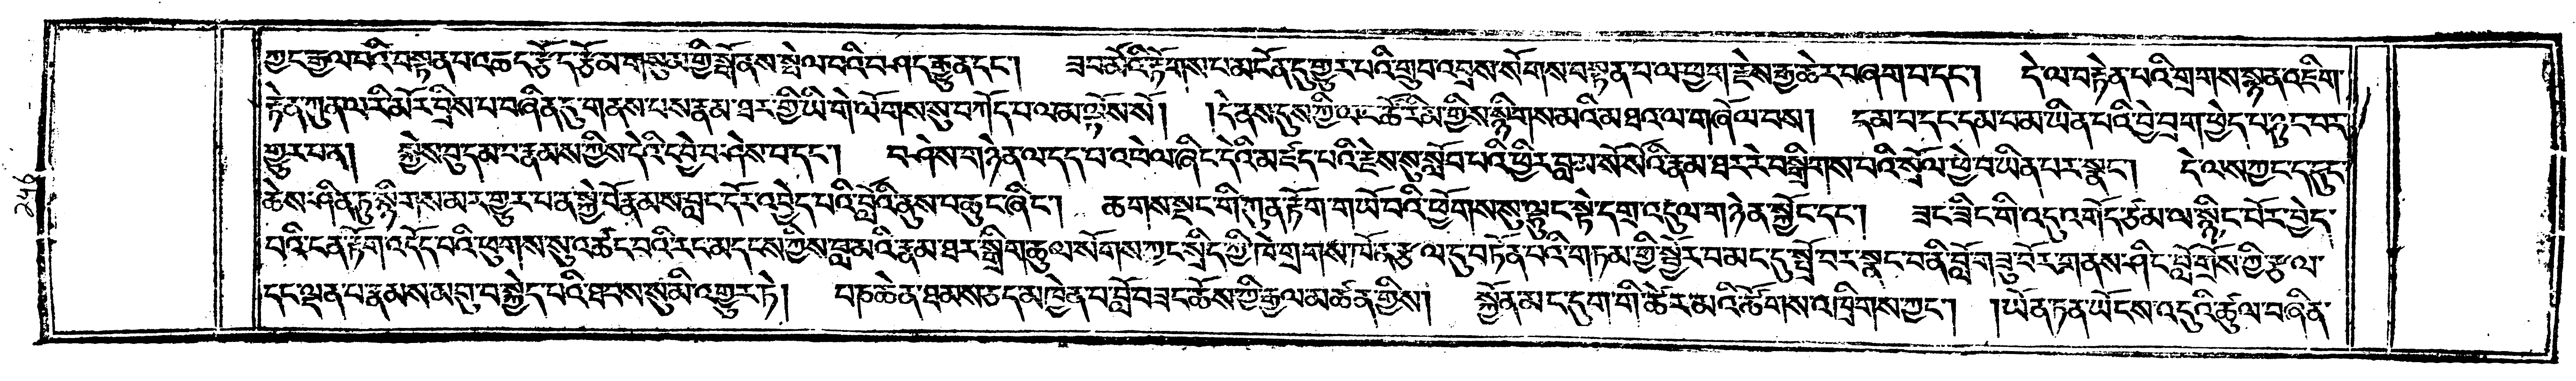ཀྱང་རྒྱལ་བའི་བསྟན་པ་འཆད་རྩོད་རྩོམ་གསུམ་གྱི་སྒོ་ནས་སྤེལ་བའི་བཤད་རྒྱུན་དང་། ཟབ་མོའི་རྟོགས་པ་མངོན་དུ་གྱུར་པའི་གྲུབ་འབྲས་སོགས་བསྟན་པ་ལ་ཕྱག་རྗེས་རྒྱ་ཆེར་བཞག་པ་དང་། དེ་ལ་བརྟེན་པའི་གྲགས་སྙན་འཇིག་
རྟེན་ཀུན་ལ་རི་མོར་བྲིས་པ་བཞིན་དུ་གནས་པས་རྣམ་ཐར་གྱི་ཡི་གེ་ལོགས་སུ་བཀོད་པ་ལམ་ལྟོས་སོ། །དེ་ནས་དུས་ཀྱི་ལང་ཚོ་རིམ་གྱིས་སྙིགས་མའི་མཐའ་ལ་གཞོལ་བས། དམ་པ་དང་དམ་པ་མ་ཡིན་པའི་བྱེ་བྲག་བྱེད་པ་ཉུང་བར་
གྱུར་པ་ན། སྐྱེས་བུ་དམ་པ་རྣམས་ཀྱིས་དེའི་དབྱེ་བ་ཤེས་པ་དང་། བཤེས་གཉེན་ལ་དད་པ་འཕེལ་ཞིང་དེའི་མཛད་པའི་རྗེས་སུ་སློབ་པའི་ཕྱིར་བླ་མ་སོ་སོའི་རྣམ་ཐར་རེ་བསྒྲིགས་པའི་སྲོལ་ཕྱེ་བ་ཡིན་པར་སྣང་། དེ་ལས་ཀྱང་ད་དུང་
ཆེས་ཤིན་ཏུ་སྙིགས་མར་གྱུར་པ་ན་སྐྱེ་བོ་རྣམས་བླང་དོར་འབྱེད་པའི་བློའི་ནུས་པ་ཆུང་ཞིང་། ཆགས་སྡང་གི་ཀུན་རྟོག་གཡོ་བའི་ཕྱོགས་སུ་ལྷུང་སྟེ་དགྲ་འདུལ་གཉེན་སྦྱོང་དང་། ཟང་ཟིང་གི་འདུ་འགོང་ཙམ་ལ་སྙིང་པོར་བྱེད་
པའི་ངན་རྟོག་འདོད་པའི་ཕུགས་སུ་འཚང་བའི་རང་མདངས་ཀྱིས་བླ་མའི་རྣམ་ཐར་སྒྲིག་ཚུལ་སོགས་ཀྱང་སྲིད་ཀྱི་ཁེ་གྲགས་ཁོ་ན་རྩལ་དུ་བཏོན་པའི་གཏམ་གྱི་སྦྱོར་བ་མང་དུ་སྤྲོ་བར་སྣང་བ་ནི་བློ་གཟུ་བོར་གནས་ཤིང་བློ་གྲོས་ཀྱི་རྩལ་
དང་ལྡན་པ་རྣམས་མགུ་བསྐྱེད་པའི་ཐབས་སུ་མི་འགྱུར་ཏེ། པཎ་ཆེན་ཐམས་ཅད་མཁྱེན་པ་བློ་བཟང་ཆོས་ཀྱི་རྒྱལ་མཚན་གྱིས། སྐྱོན་མང་དུག་གི་ཚེར་མའི་ཚོགས་འཁྲིགས་ཀྱང་། །ཡོན་ཏན་ཡོངས་འདུའི་ཚུལ་བཞིན་